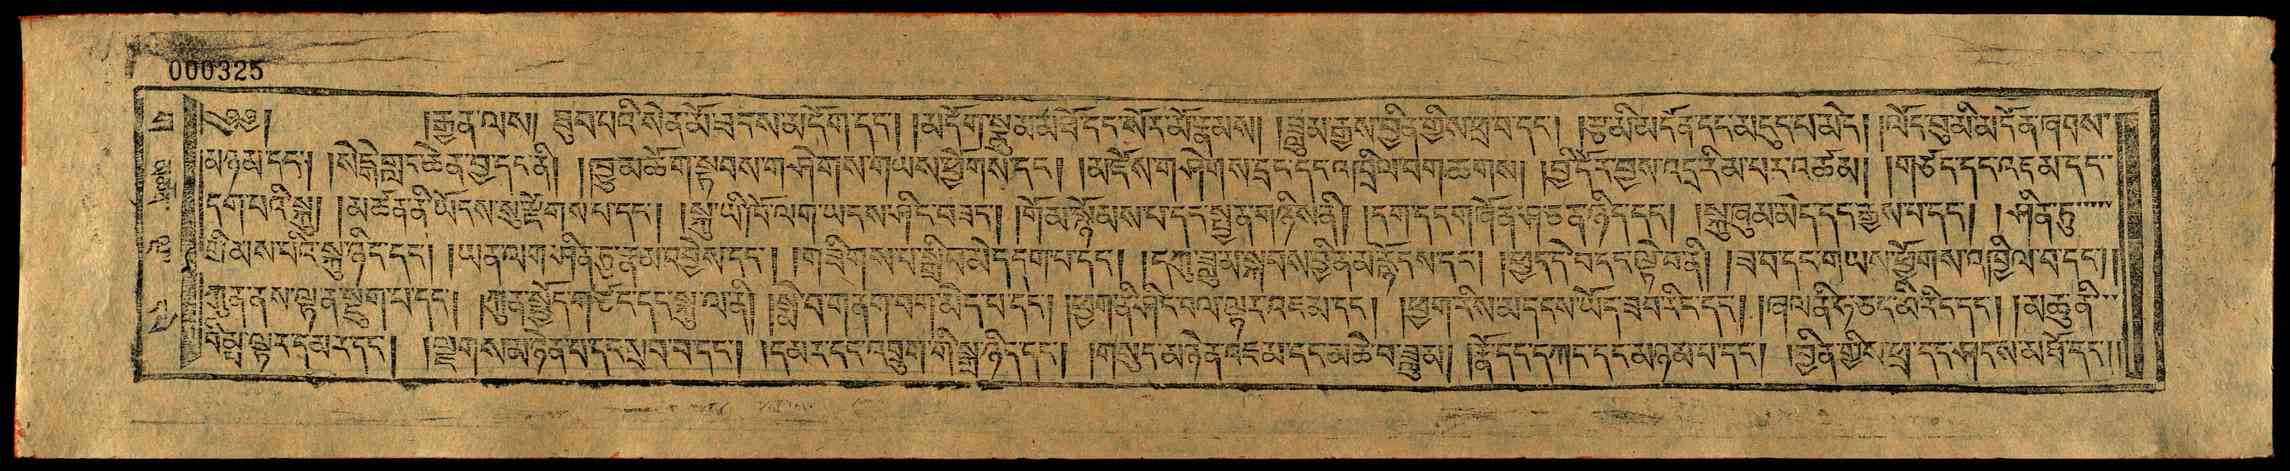༄༅། །རྒྱན་ལས། ཐུབ་པའི་སེན་མོ་ཟངས་མདོག་དང་། །མདོག་སྣུམ་མཐོ་དང་སོར་མོ་རྣམས། །ཟླུམ་རྒྱས་བྱིན་གྱིས་ཕྲ་བ་དང་། །རྩ་མི་མངོན་དང་མདུད་པ་མེད། །ལོང་བུ་མི་མངོན་ཞབས་
མཉམ་དང་། །སེངྒེ་གླང་ཆེན་བྱ་དང་ནི། །ཁྱུ་མཆོག་སྟབས་གཤེགས་གཡས་ཕྱོགས་དང་། །མཛེས་གཤེགས་དྲང་དང་འཁྲིལ་བག་ཆགས། །བྱི་དོར་བྱས་འདྲ་རིམ་པར་འཚམ། །གཙང་དང་འཇམ་དང་
དག་པའི་སྐུ། །མཚན་ནི་ཡོངས་སུ་རྫོགས་པ་དང་། །སྐུ་ཡི་ཁོ་ལག་ཡངས་ཤིང་བཟང་། །གོམ་སྙོམས་པ་དང་སྤྱན་གཉིས་ནི། །དག་དང་གཞོན་ཤ་ཅན་ཉིད་དང་། །སྐུ་ཞུམ་མེད་དང་རྒྱས་པ་དང་། །ཤིན་ཏུ་
གྲིམས་པའི་སྐུ་ཉིད་དང་། །ཡན་ལག་ཤིན་ཏུ་རྣམ་འབྱེས་དང་། །གཟིགས་པ་སྒྲིབ་མེད་དག་པ་དང་། །དཀུ་ཟླུམ་སྐབས་ཕྱིན་མ་རྙོངས་དང་། །ཕྱང་དེ་བ་དང་ལྟེ་བ་ནི། །ཟབ་དང་གཡས་ཕྱོགས་འཁྱིལ་བ་དང་། །
ཀུན་ནས་ལྟ་ན་སྡུག་པ་དང་། །ཀུན་སྤྱོད་གཙང་དང་སྐུ་ལ་ནི། །སྨེ་བ་གནག་བག་མེད་པ་དང་། །ཕྱག་ནི་ཤིང་བལ་ལྟར་འཇམ་དང་། །ཕྱག་རིས་མདངས་ཡོད་ཟབ་རིང་དང་། །ཞལ་ནི་ཧ་ཅང་མི་རིང་དང་། །མཆུ་ནི་
བིམྤ་ལྟར་དམར་དང་། །ལྗགས་མཉན་པ་དང་། །དམར་དང་འབྲུག་གི་སྒྲ་ཉིད་དང་། །གསུང་མཉེན་འཇམ་དང་མཆེ་བ་ཟླུམ། །རྣོ་དང་དཀར་དང་མཉམ་པ་དང་། །བྱིན་གྱིས་ཕྲ་དང་ཤངས་མཐོ་དང་།